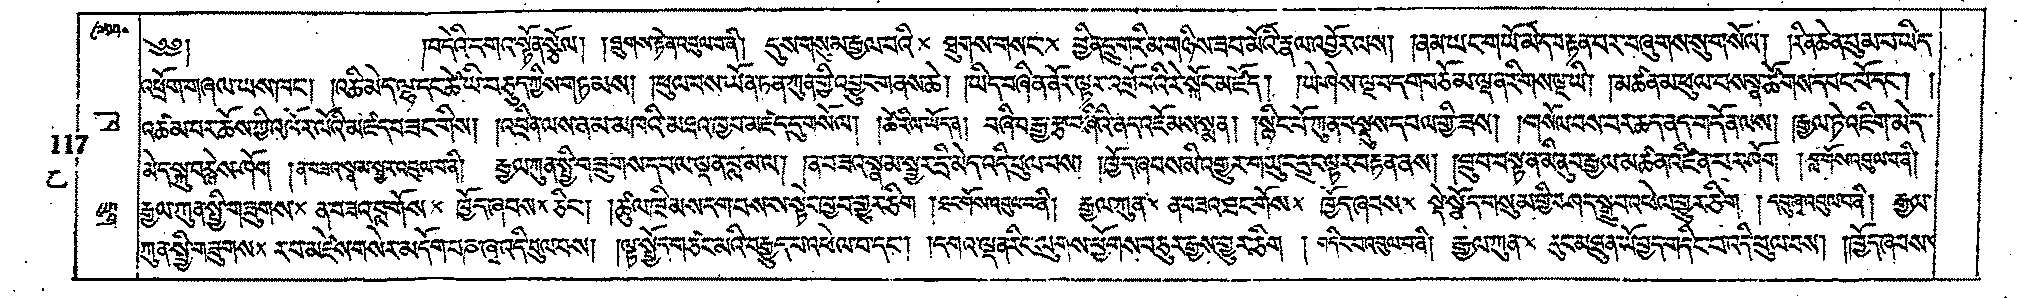༄༅། །བདེའི་དགའ་སྟོན་སྩོལ། །ཐུགས་རྟེན་འབུལ་བ་ནི། དུས་གསུམ་རྒྱལ་བའི་྾་ཐུགས་གསང་྾་ཕྱིན་དྲུག་རིམ་གཉིས་ཟབ་མོའི་རྣལ་འབྱོར་ལས། །ནམ་ཡང་གཡོ་མེད་བརྟན་པར་བཞུགས་སུ་གསོལ། །རིན་ཆེན་པུམ་པ་ཡིད་
འཕྲོག་གཞལ་ཡས་ཁང་། །འཆི་མེད་ལྷ་དང་ཚེ་ཡི་བཅུད་ཀྱིས་གཏམས། །ཕུལ་བས་ཡོན་ཏན་ཀུན་གྱི་འབྱུང་གནས་ཆེ། །ཡིད་བཞིན་ནོར་ལྟར་འགྲོ་བའི་རེ་སྐོང་མཛོད། །ཡེ་ཤེས་ལྔ་བདག་བཅོམ་ལྡན་རིགས་ལྔ་ཡི། །མཚན་མ་ཕུལ་བས་སྣ་ཚོགས་དབང་པོ་དང་། །
འཚམ་པར་ཆོས་ཀྱི་འཁོར་ལོའི་མཛད་བཟང་གིས། །འཕྲིན་ལས་ནམ་མཁའི་མཐའ་ཁྱབ་མཛད་དུ་གསོལ། །ཚེ་རིལ་ཡོད་ན།  བཞི་བརྒྱ་རྩ་བཞིའི་ནད་འཇོམས་སྨན། །སྙིང་པོ་ཀུན་བསྡུས་དཔལ་གྱི་ཟས། །གསོལ་བས་བར་ཆད་ནད་གདོན་ལས། །རྒྱལ་ཏེ་འཇིག་མེད་་་
མེད་སྐུ་བརྙེས་ཤོག་།ན་བཟའ་སྣམ་སྦྱར་འབུལ་བ་ནི།  རྒྱལ་ཀུན་སྤྱི་གཟུགས་དཔལ་ལྡན་བླ་མ་ལ། །ན་བཟའ་སྣམ་སྦྱར་དྲི་མེད་འདི་ཕུལ་བས། །ཁྱོད་ཞབས་མི་འགྱུར་གཡུང་དྲུང་ལྟར་བརྟན་ནས། །ཐུབ་བསྟན་མི་ནུབ་རྒྱལ་མཚན་འཛིན་པར་ཤོག་།བླ་གོས་འབུལ་བ་ནི།
རྒྱལ་ཀུན་སྤྱི་གཟུགས་྾་ན་བཟའ་བླ་གོས་྾་ཁྱོད་ཞབས་྾་ཅིང་། །ཚུལ་ཁྲིམས་དག་པས་ས་སྟེང་ཁྱབ་གྱུར་ཅིག་།ཐང་གོས་འབུལ་བ་ནི།  རྒྱལ་ཀུན་྾་ན་བཟའ་ཐང་གོས་྾་ཁྱོད་ཞབས་྾་སྡེ་སྣོད་གསུམ་གྱི་བཤད་སྒྲུབ་འཕེལ་གྱུར་ཅིག་།དབུ་ཞྭ་འབུལ་བ་ནི།  རྒྱལ་
ཀུན་སྤྱི་གཟུགས་྾་རབ་མཛེས་གསེར་མདོག་པཎ་ཞྭ་འདི་ཕུལ་བས། །ལྟ་སྤྱོད་གཙང་མའི་བརྒྱུད་པ་འཕེལ་བ་དང་། །དགའ་ལྡན་རིང་ལུགས་ཕྱོགས་བཅུར་རྒྱས་གྱུར་ཅིག་།གདིང་བ་འབུལ་བ་ནི།  རྒྱལ་ཀུན་྾་རུང་མཐུན་ཡོ་བྱད་གདིང་བ་འདི་ཕུལ་བས། །ཁྱོད་ཞབས་྾་